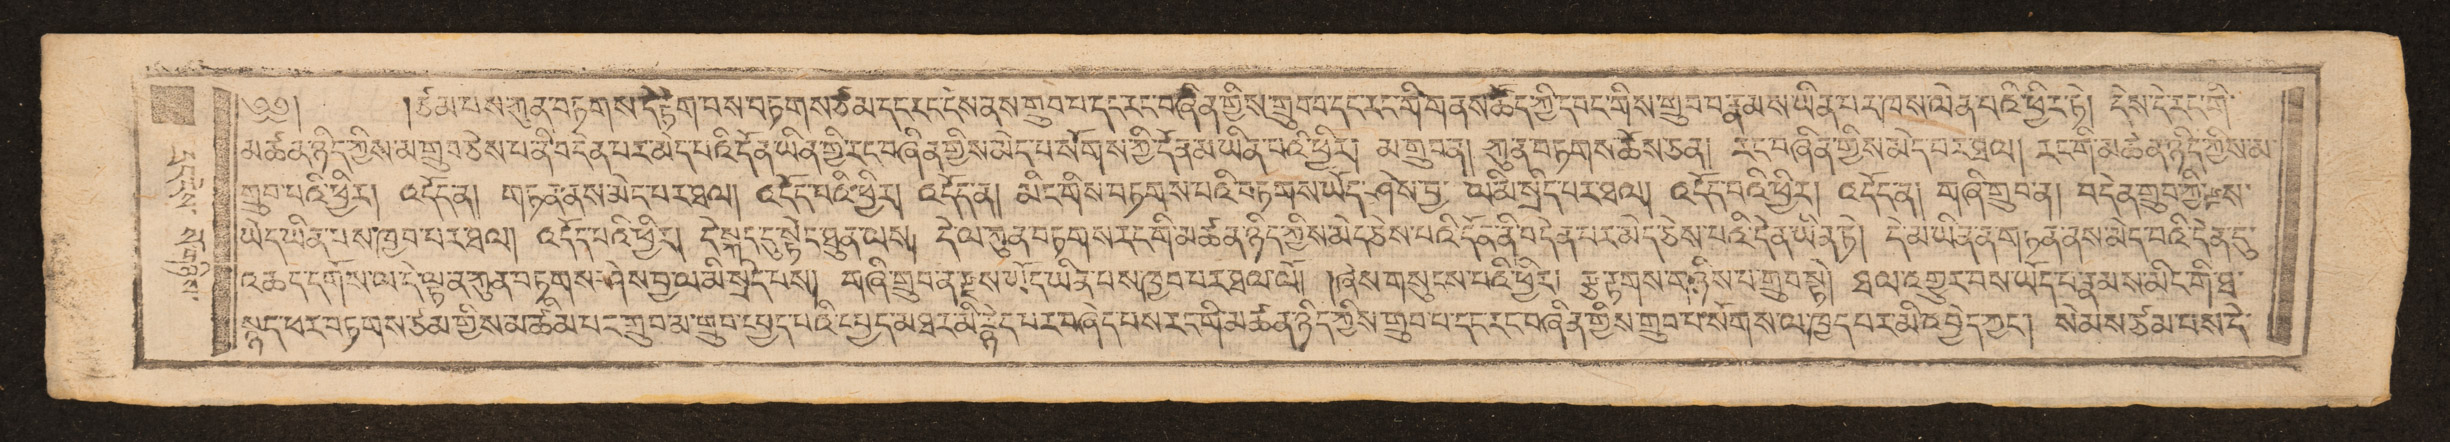༄༅། །ཙམ་པས་ཀུན་བཏགས་དེ་རྟོག་པས་བཏགས་ཙམ་དང་རང་ངོས་ནས་གྲུབ་པ་དང་རང་བཞིན་གྱིས་གྲུབ་པ་དང་རང་གི་གནས་ཚོད་ཀྱི་དབང་གིས་གྲུབ་པ་རྣམས་ཡིན་པར་ཁས་ལེན་པའི་ཕྱིར་ཏེ། དེས་དེ་རང་གི་
མཚན་ཉིད་ཀྱིས་མ་གྲུབ་ཅེས་པ་ནི་བདེན་པར་མེད་པའི་དོན་ཡིན་གྱི་རང་བཞིན་གྱིས་མེད་པ་སོགས་ཀྱི་དོན་མ་ཡིན་པའི་ཕྱིར། མ་གྲུབ་ན། ཀུན་བཏགས་ཆོས་ཅན། རང་བཞིན་གྱིས་མེད་པར་ཐལ། རང་གི་མཚན་ཉིད་ཀྱིས་མ་
གྲུབ་པའི་ཕྱིར། འདོད་ན། གཏན་ནས་མེད་པར་ཐལ། འདོད་པའི་ཕྱིར། འདོད་ན། མིང་གིས་བཏགས་པའི་བཏགས་ཡོད་ཤེས་བྱ་ལ་མི་སྲིད་པར་ཐལ། འདོད་པའི་ཕྱིར། འདོད་ན། གཞི་གྲུབ་ན། བདེན་གྲུབ་ཀྱི་རྫས་
ཡོད་ཡིན་པས་ཁྱབ་པར་ཐལ། འདོད་པའི་ཕྱིར། དེ་སྐད་དུ་སྟོང་ཐུན་ལས། དེ་ལ་ཀུན་བཏགས་རང་གི་མཚན་ཉིད་ཀྱིས་མེད་ཅེས་པའི་དོན་ནི་བདེན་པར་མེད་ཅེས་པའི་དོན་ཡིན་ཏེ། དེ་མ་ཡིན་ན་གཏན་ནས་མེད་པའི་དོན་དུ་
འཆད་དགོས་ལ་དེ་ལྟ་ན་ཀུན་བཏགས་ཤེས་བྱ་ལ་མི་སྲིད་པས། གཞི་གྲུབ་ན་རྫས་ཡོད་ཡིན་པས་ཁྱབ་པར་ཐལ་ལོ། །ཞེས་གསུངས་པའི་ཕྱིར། རྩ་རྟགས་གཉིས་པ་གྲུབ་སྟེ། ཐལ་འགྱུར་བས་ཡོད་པ་རྣམས་མིང་གི་ཐ་
སྙེད་ཕར་བཏགས་ཙམ་གྱིས་མ་ཚིམ་པར་གྲུབ་མ་གྲུབ་དཔྱད་པའི་དཔྱད་མཐར་མི་རྙེད་པར་བཞེད་པས་རང་གི་མཚན་ཉིད་ཀྱིས་གྲུབ་པ་དང་རང་བཞིན་གྱིས་གྲུབ་པ་སོགས་ལ་ཁྱད་པར་མི་འབྱེད་ཀྱང་། སེམས་ཙམ་པས་དེ་